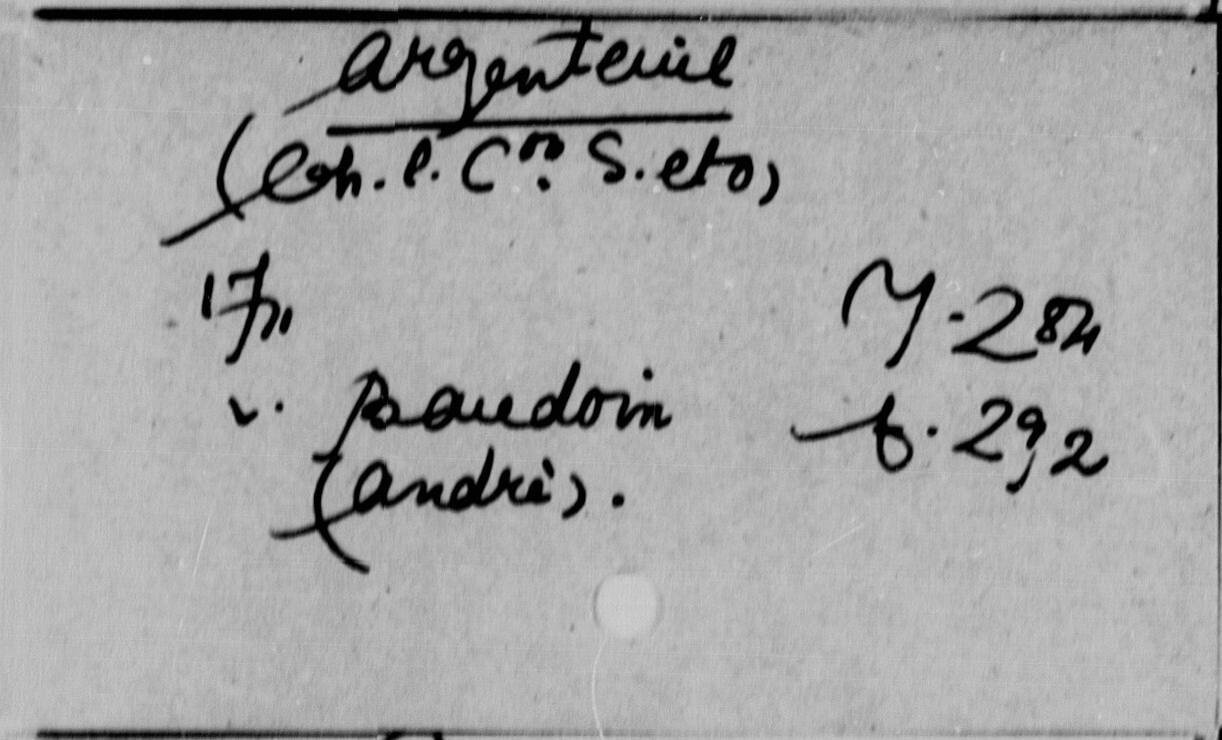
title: Argenteuil (Chef-lieu circonscription, Seine et Oise)
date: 1711
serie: Y
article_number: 284
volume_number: folio 292
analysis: Voir Baudoin (André)
